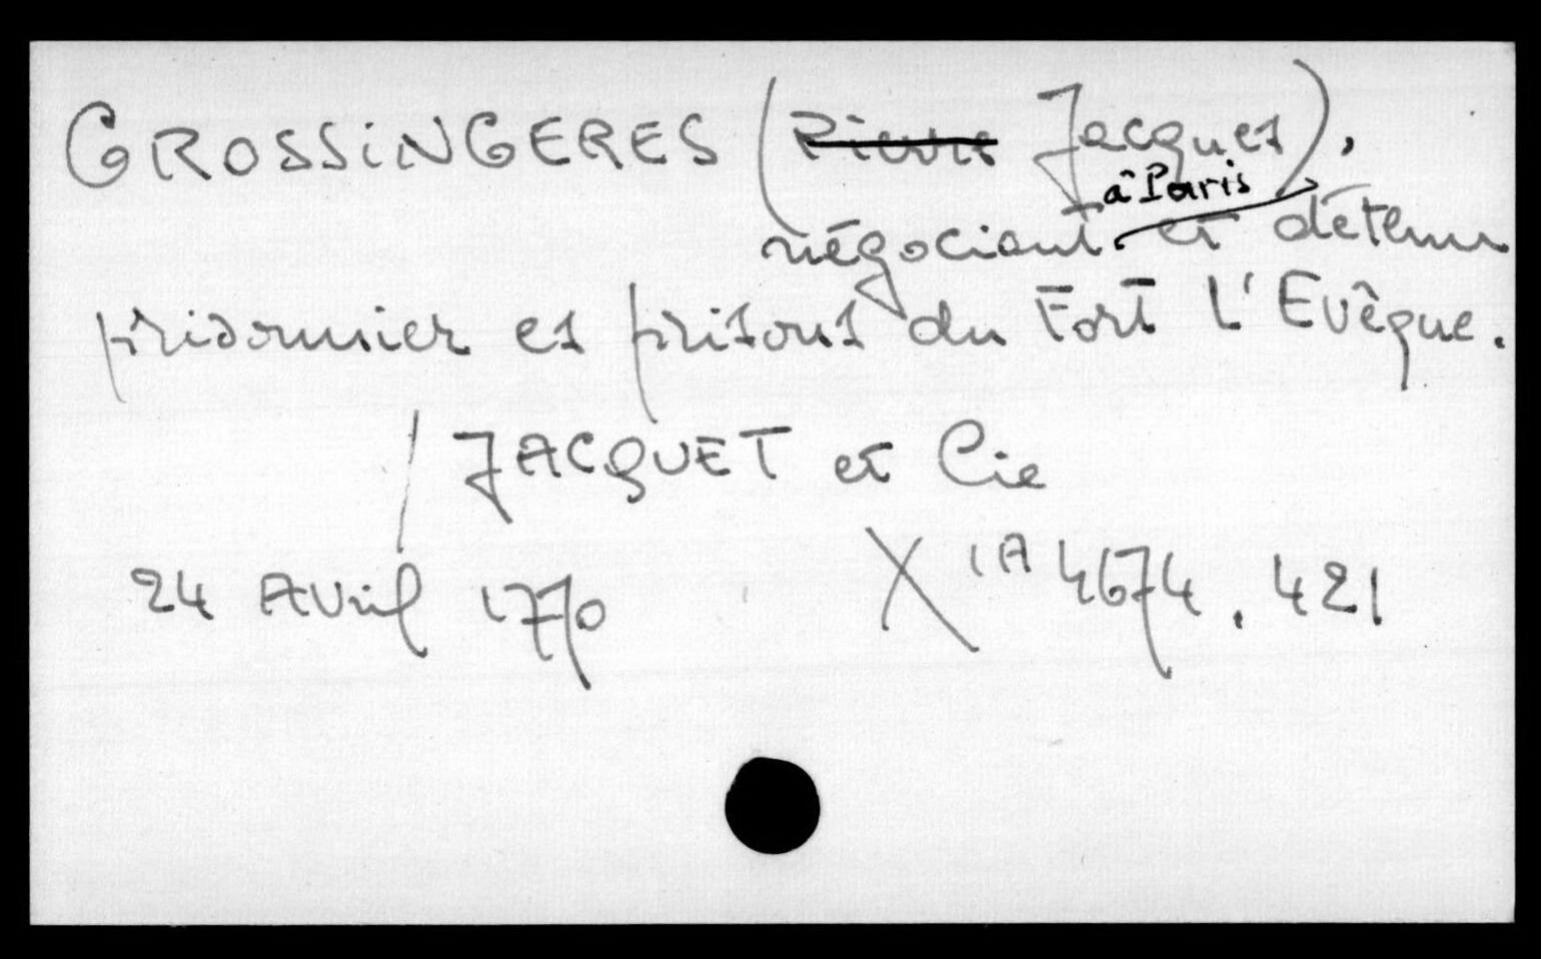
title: GROSSINGERES (Jacques), négociant à Paris, détenu prisonnier ès prisons du Fort-L'Évêque
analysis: Contre JACQUET et compagnie
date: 24 avril 1770
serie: X1A
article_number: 4674
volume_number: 421
